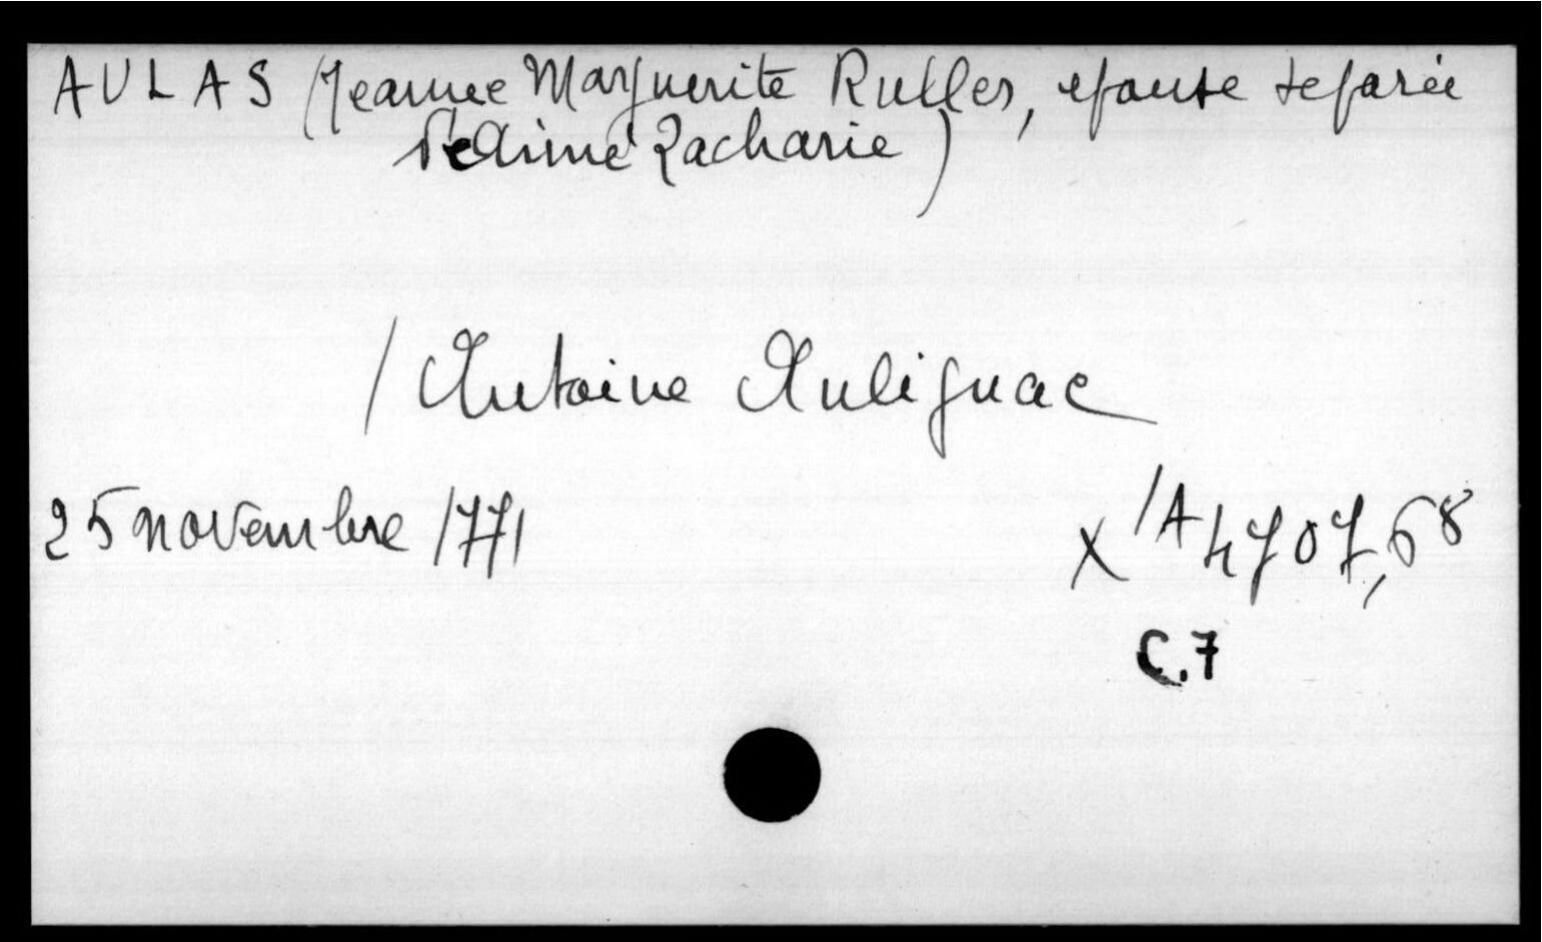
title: AULAS (Jeanne Marguerite Ruller, épouse séparée de Aimé Zacharie)
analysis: Contre Antoine Auliguac
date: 25 novembre 1771
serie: X1A
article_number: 4707
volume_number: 68 Conseil, 7
